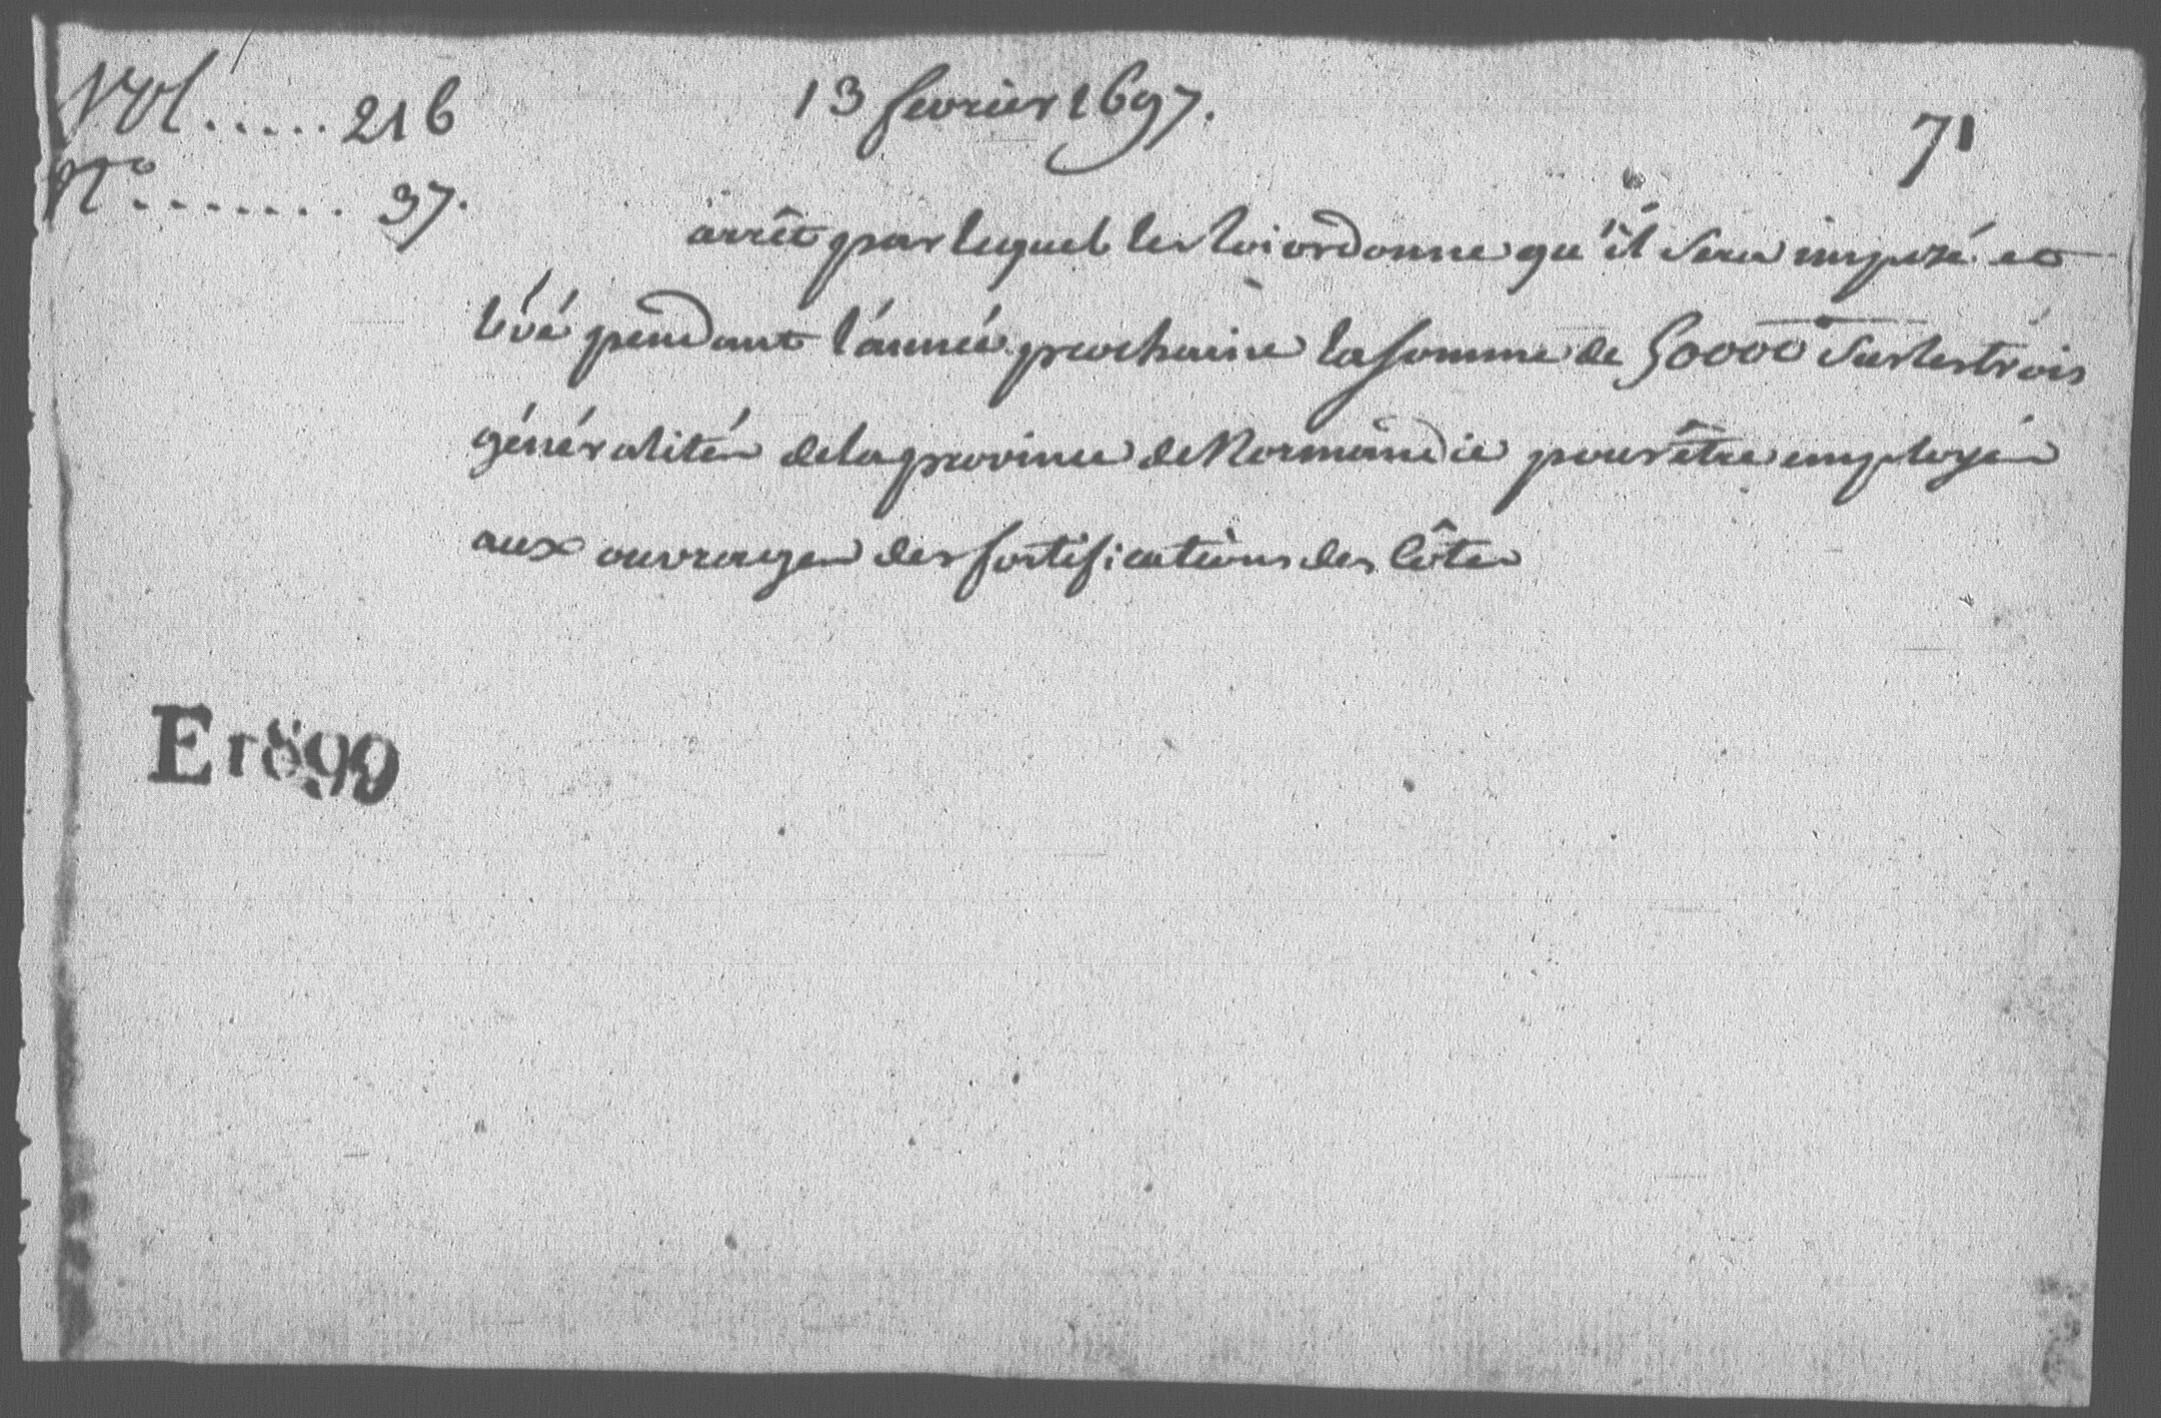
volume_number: n°37
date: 13 février 1697
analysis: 71
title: arrêt par lequel le Roi ordonne qu'il sera imposé et 1evé pendant l'année prochaine la somme de 50000 #sur les trois généralités de la province de Normandie pour être employés aux ouvrages des fortifications des côtes
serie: E
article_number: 1899
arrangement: vol. 216
